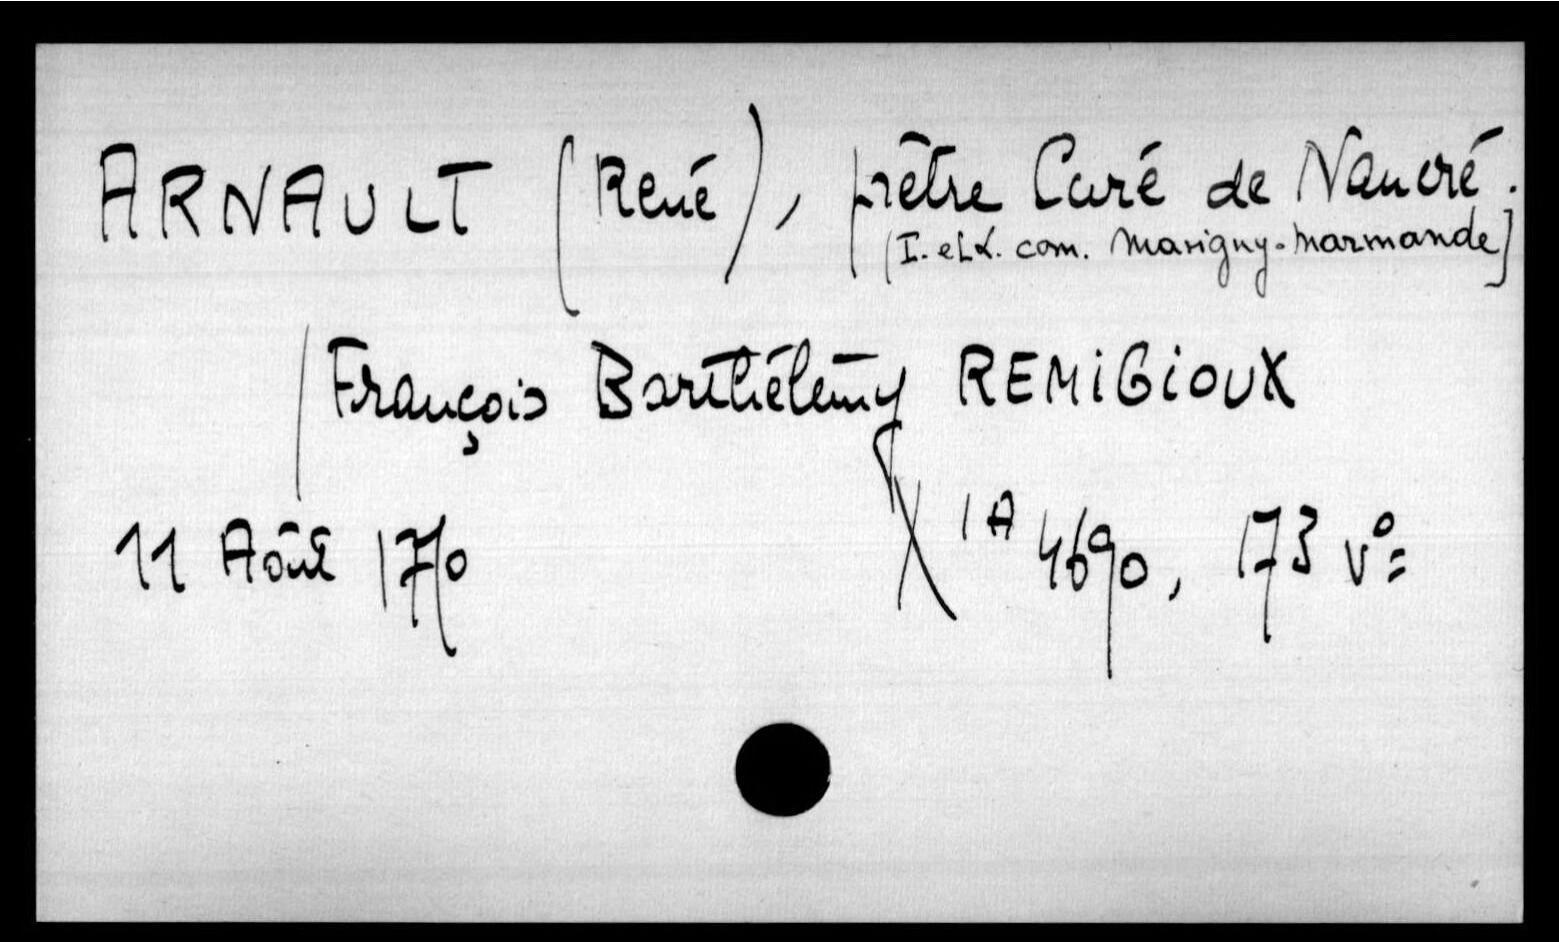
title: ARNAULT (René), prêtre curé de Nancré [Indre-et-Loir, commune Marigny-Marmande]
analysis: Contre François Barthélemy REMIGIOUX
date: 11 août 1770
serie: X1A
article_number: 4690
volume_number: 173v
